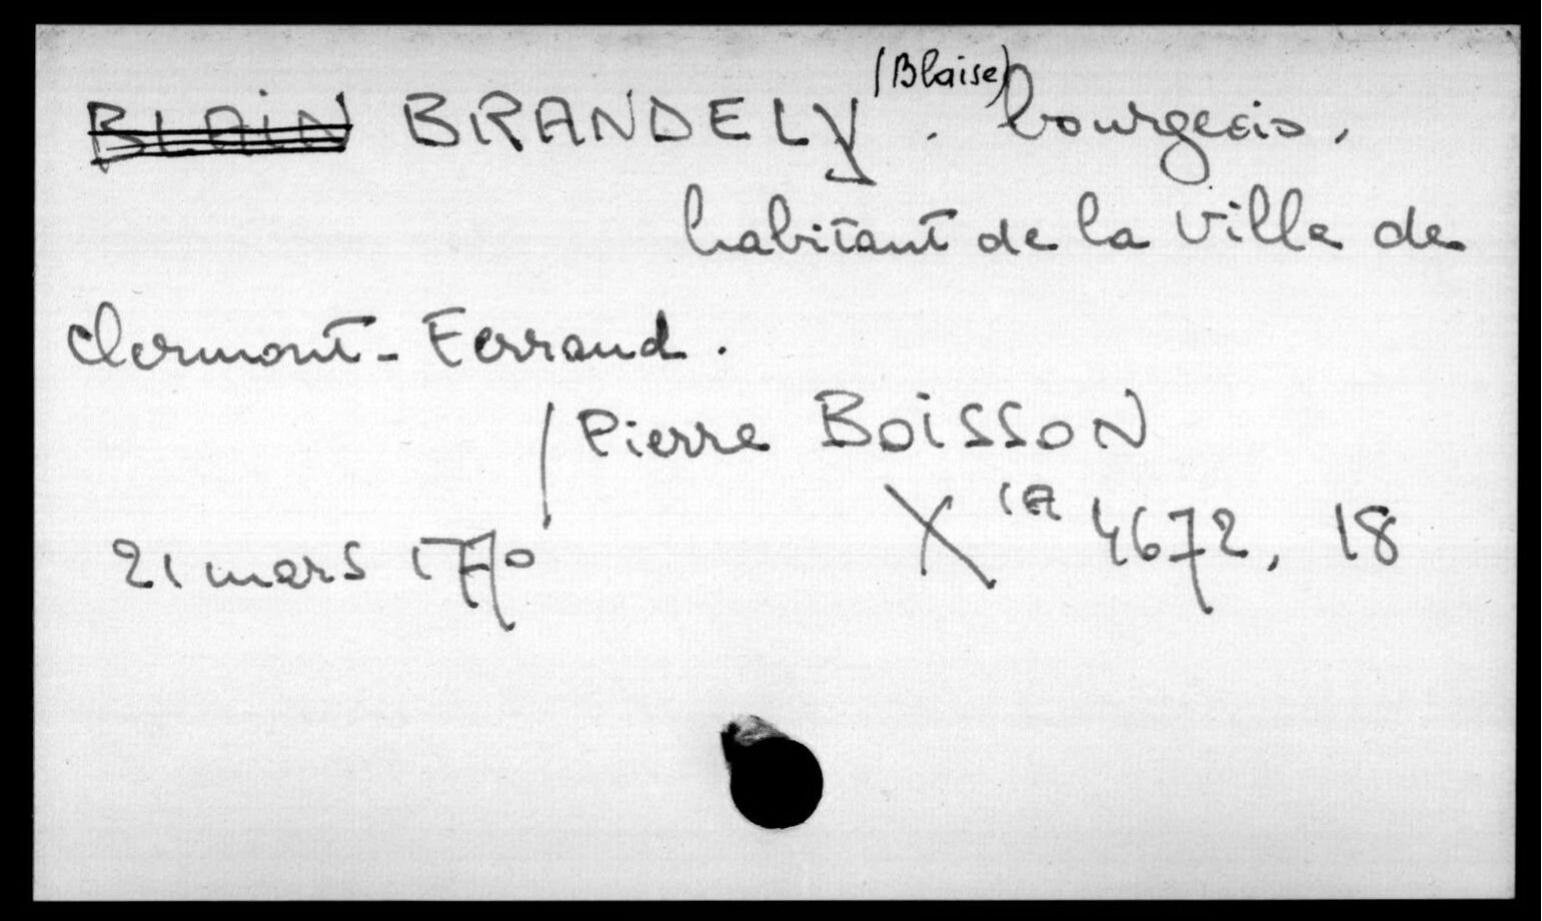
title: BRANDELY (Blaise) Bourgeois, habitant de la ville de Clermont-Ferrand.
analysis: Contre Pierre BOISSON
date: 21 mars 1770
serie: X1A
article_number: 4672
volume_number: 18
